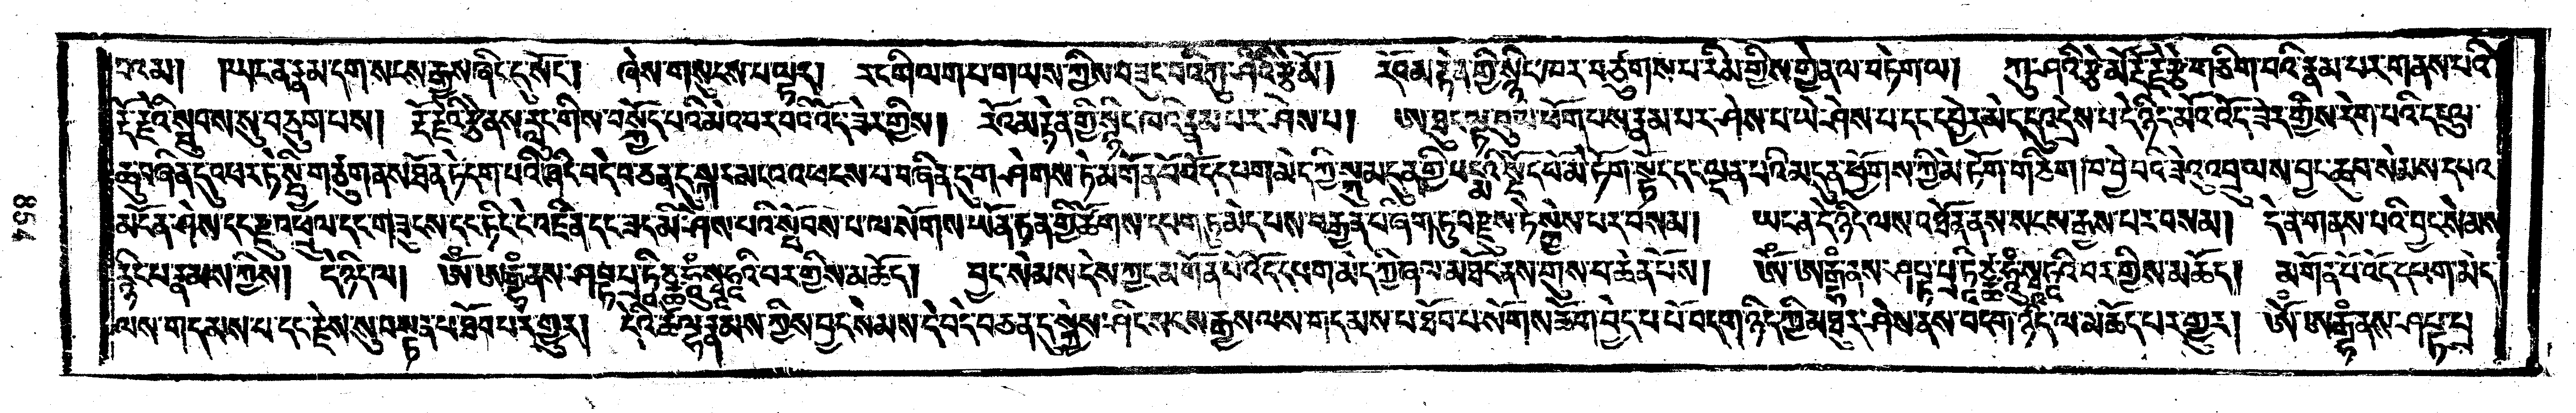བའམ། །ཡང་ན་རྣམ་དག་སངས་རྒྱས་ཞིང་དུ་སོང་། ཞེས་གསུངས་པ་ལྟར། རང་གི་ལག་པ་གཡས་ཀྱིས་བཟུང་བའི་ཀུ་ཤིའི་རྩེ་མོ། རོའམ་རྟེན་གྱི་སྙིང་ཁར་བཙུགས་པ་རིམ་གྱིས་གྱེན་ལ་བཏེག་ལ། ཀུ་ཤའི་རྩེ་མོ་རྡོ་རྗེ་རྩེ་གཅིག་བའི་རྣམ་པར་གནས་པའི་
རྡོ་རྗེའི་སྦུབས་སུ་བཅུག་པས། རྡོ་རྗེའི་རྩེ་ནས་རླུང་གིས་བསྐྱོད་པའི་མེ་འབར་བའི་འོད་ཟེར་གྱིས། རོའམ་རྟེན་གྱི་སྙིང་ཁའི་རྣམ་པར་ཤེས་པ། ཨ་ཐུང་ལྟ་བུལ་ཕོག་པས་རྣམ་པར་ཤེས་པ་ཡེ་ཤེས་པ་དང་དབྱེར་མེད་དུ་འདྲེས་པ་དེ་ཉིད་མོའ་འོད་ཟེར་གྱིས་རེག་པའི་དངུལ་
ཆུ་བཞིན་དུ་འཕར་ཏེ་སྤྱི་གཙུག་ནས་ཐོན་ཏེ་དག་པའི་ཞིང་བདེ་བ་ཅན་དུ་སྐར་མངའ་འཕངས་པ་བཞིན་དུ་གཤེགས་ཏེ་མགོན་པོ་འོད་དཔག་མེད་ཀྱི་སྐུ་མདུན་གྱི་པདམའི་སྡོང་པོ་མེ་ཏོག་སྟོང་དང་ལྡན་པའི་མདུན་ཕྱོགས་ཀྱི་མེ་ཏོག་གཅིག་ཁ་བྱེ་བའི་ཟེའུ་འབྲུ་ལས་བྱང་ཆུབ་སེམས་དཔའ་
མངོན་ཤེས་དང་རྫུ་འཕྲུལ་དང་གཟུངས་དང་ཏིང་ངེ་འཛིན་དང་ཟད་མི་ཤེས་པའི་སྤོབས་པ་ལ་སོགས་ཡོན་ཏན་གྱི་ཚོགས་དཔག་ཏུ་མེད་པས་བརྒྱན་པ་ཞིག་ཏུ་བརྫུས་ཏེ་སྐྱེས་པར་བསམ། ཡང་ན་དེ་ཉིད་ལས་འཐོན་ནས་སངས་རྒྱས་པར་བསམ། དེ་ན་གནས་པའི་བྱང་སེམས་
རྙིང་པ་རྣམས་ཀྱིས། དེ་ཉིད་ལ། ཨོཾ་ཨརྒྷཾ་ནས་ཤབཏ་པྲཏཱི་ཙྪ་ཧཱུཾ་སྭཱཧཱའི་བར་གྱིས་མཆོད། བྱང་སེམས་དེས་ཀྱང་མགོན་པོ་འོད་དཔག་མེད་ཀྱི་ཞལ་མཐོང་ནས་གུས་པ་ཆེན་པོས། ཨོཾ་ཨརྒྷཾ་ནས་ཤཔྟ་པྲ་ཏཱིཙྪ་ཧཱུཾ་སྭཱཧཱའི་བར་གྱིས་མཆོད། མགོན་པོ་འོད་དཔག་མེད་
ལས་གདམས་པ་དང་རྗེས་སུ་བསྟན་པ་ཐོབ་པར་གྱུར། དེའི་ཆོ་ལྷ་རྣམས་ཀྱིས་བྱང་སེམས་དེ་བདེ་བ་ཅན་དུ་སྐྱེས་ཤིང་སངས་རྒྱས་ལས་གདམས་པ་ཐོབ་པ་སོགས་ཆོག་བྱེད་པ་པོ་བདག་ཉིད་ཀྱི་མཐུར་ཤེས་ནས་བདག་ཉིད་ལ་མཆོད་པར་གྱུར། ཨོཾ་ཨརྒྷཾ་ནས་ཤཔྟ་པྲ་